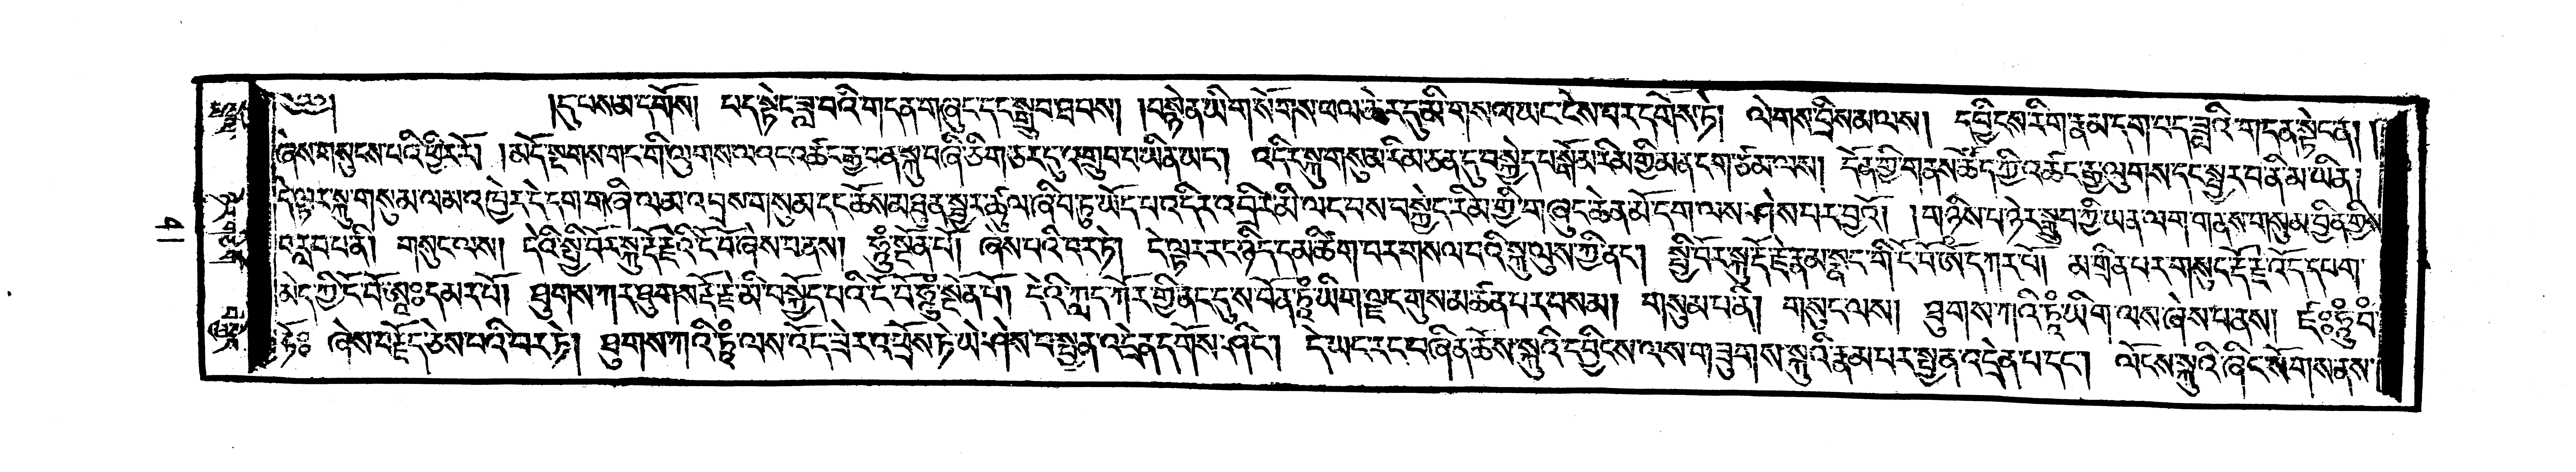༄༅། །དུ་བསམ་དགོས། པད་སྟེང་ཟླ་བའི་གདན་གཞུང་དང་སྒྲུབ་ཐབས། བསྙེན་ཡིག་སོགས་ཕལ་ཆེར་དུ་མི་གསལ་ཡང་ངེས་པར་དགོས་ཏེ། ལེགས་བྲིས་མ་ལས། དབྱིངས་རིག་རྣམ་དག་པད་ཟླའི་གདན་སྟེང་ན།
ཞེས་གསུངས་པའི་ཕྱིར་རོ། །མདོ་སྔགས་གང་གི་ལུགས་ལའང་འཚང་རྒྱ་བ་ན་སྐུ་བཞི་ཅིག་ཅར་དུ་འགྲུབ་པ་ཡིན་ཡང་། འདིར་སྐུ་གསུམ་རིམ་ཅན་དུ་བསྐྱེད་པ་སྒོམ་རིམ་གྱི་མན་ངག་ཙམ་ལས། དོན་གྱི་གནས་ཚོད་ཀྱི་འཚང་རྒྱ་ལུགས་དང་སྦྱར་བ་ནི་མ་ཡིན།
དེ་ལྟར་སྐུ་གསུམ་ལམ་འཁྱེར་དེ་དག་གཞི་ལམ་འབྲས་གསུམ་དང་ཆོས་མཐུན་སྦྱོར་ཚུལ་ཞིབ་ཏུ་ཡོད་པ་འདིར་འདྲིར་མི་ལང་བས་བསྐྱེད་རིམ་གྱི་གཞུང་ཆེན་མོ་དག་ལས་ཤེས་པར་བྱའོ། །གཉིས་པ་ཉེར་སྒྲུབ་ཀྱི་ཡན་ལག་གནས་གསུམ་བྱིན་གྱིས་
བརླབ་པ་ནི། གསུང་ལས། དེའི་སྤྱི་བོར་སྐུ་རྡོ་རྗེའི་ངོ་བོ་ཞེས་པ་ནས། ཧཱུཾ་སྔོན་པོ། ཞེས་པའི་བར་ཏེ། དེ་ལྟར་རང་ཉིད་དམ་ཚིག་པར་གསལ་བའི་སྐུ་ལུས་ཀྱི་ནང་། སྤྱི་བོར་སྐུ་རྡོ་རྗེ་རྣམ་སྣང་གི་ངོ་བོ་ཨོཾ་དཀར་པོ། མགྲིན་པར་གསུང་རྡོ་རྗེ་འོད་དཔག་
མེད་ཀྱི་ངོ་བོ་ཨཱཿ དམར་པོ། ཐུགས་ཀར་ཐུགས་རྡོ་རྗེ་མི་བསྐྱོད་པའི་ངོ་བོ་ཧཱུཾ་སྔོན་པོ། དེའི་ཀླད་ཀོར་གྱི་ནང་དུ་ས་བོན་ཏཱཾ་ཡིག་ལྗང་གུས་མཚན་པར་བསམ། གསུམ་པ་ནི། གསུང་ལས། ཐུགས་ཀའི་ཏཱཾ་ཡིག་ལས་ཞེས་པ་ནས། ཇཿཧཱུཾ་བཾ་
ཧོཿཞེས་བརྗོད་ཅེས་པའི་བར་ཏེ། ཐུགས་ཀའི་ཏཱཾ་ལས་འོད་ཟེར་འཕྲོས་ཏེ་ཡེ་ཤེས་པ་སྤྱན་འདྲེན་དགོས་ཤིང་། དེ་ཡང་རང་བཞིན་ཆོས་སྐུའི་དབྱིངས་ལས་གཟུགས་སྐུའི་རྣམ་པར་སྤྱན་འདྲེན་པ་དང་། ལོངས་སྐུའི་ཞིང་སོགས་ནས་